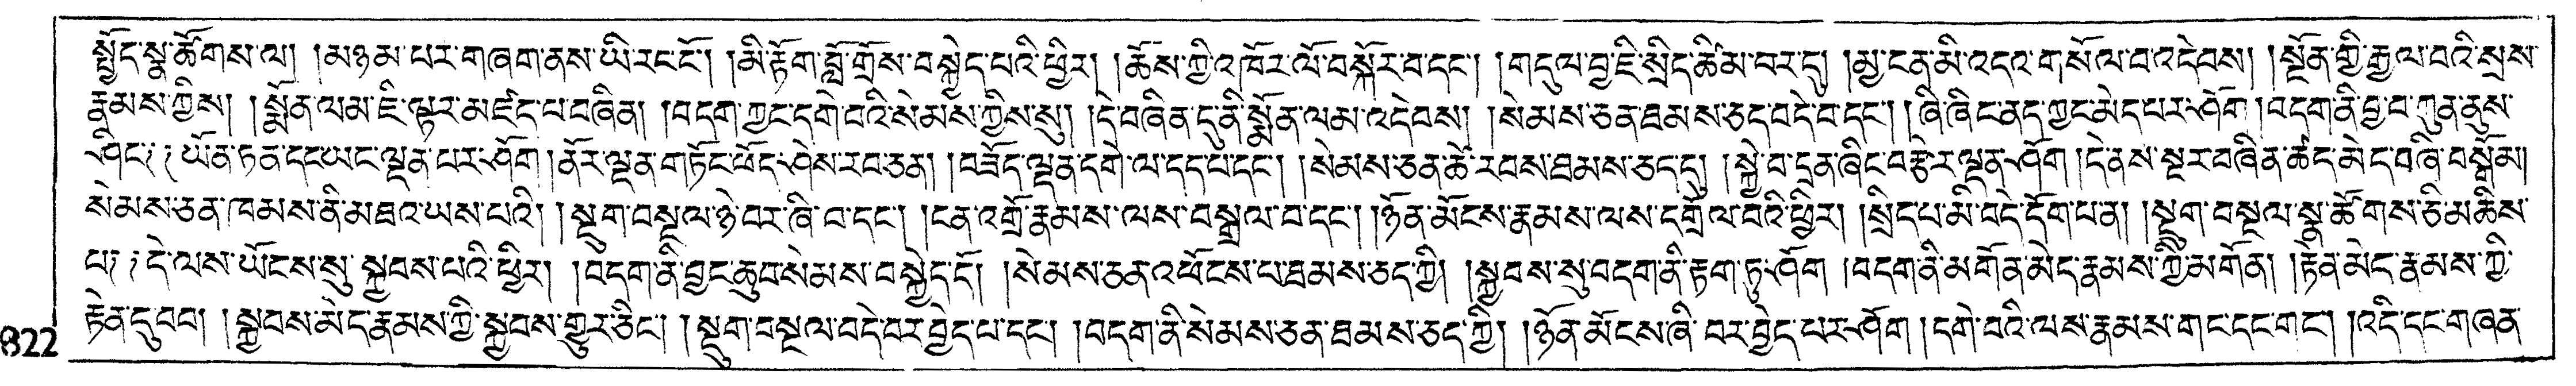སྤྱོད་སྣ་ཚོགས་ལ། །མཉམ་པར་གཞག་ནས་ཡི་རང་ངོ། །མི་རྟོག་བློ་གྲོས་བསྐྱེད་པའི་ཕྱིར། །ཆོས་ཀྱི་འཁོར་ལོ་བསྐོར་བ་དང་། །གདུལ་བྱ་ཇི་སྲིད་ཚིམ་བར་དུ། །མྱ་ངན་མི་འདའ་གསོལ་བ་འདེབས། །སྔོན་གྱི་རྒྱལ་བའི་སྲས་
རྣམས་ཀྱིས། །སྨོན་ལམ་ཇི་ལྟར་མཛད་པ་བཞིན། །བདག་ཀྱང་དགེ་བའི་སེམས་ཀྱིས་སུ། །དེ་བཞིན་དུ་ནི་སྨོན་ལམ་འདེབས། །སེམས་ཅན་ཐམས་ཅད་བདེ་བ་དང་། །ཞི་ཞིང་ནད་ཀྱང་མེད་པར་ཤོག །བདག་ནི་བྱ་བ་ཀུན་ནུས་
ཤིང༑ ༑ཡོན་ཏན་དང་ཡང་ལྡན་པར་ཤོག །ནོར་ལྡན་གཏོང་ཕོད་ཤེས་རབ་ཅན། །བཟོད་ལྡན་དགེ་ལ་དད་པ་དང་། །སེམས་ཅན་ཚེ་རབས་ཐམས་ཅད་དུ། །སྐྱེ་བ་དྲན་ཞིང་བརྩེར་ལྡན་ཤོག །དེ་ནས་སྔར་བཞིན་ཚད་མེད་བཞི་བསྒོམ།
སེམས་ཅན་ཁམས་ནི་མཐའ་ཡས་པའི། །སྡུག་བསྔལ་ཉེ་བར་ཞི་བ་དང་། །ངན་འགྲོ་རྣམས་ལས་བསྒྲལ་བ་དང་། །ཉོན་མོངས་རྣམས་ལས་དགྲོལ་བའི་ཕྱིར། །སྲིད་པ་མི་བདེ་དོག་པ་ན། །སྡུག་བསྔལ་སྣ་ཚོགས་ཅི་མཆིས་
པ༑ ༑དེ་ལས་ཡོངས་སུ་སྐྱབས་པའི་ཕྱིར། །བདག་ནི་བྱང་ཆུབ་སེམས་བསྐྱེད་དོ། །སེམས་ཅན་འཕོངས་པ་ཐམས་ཅད་ཀྱི། །སྐྱབས་སུ་བདག་ནི་རྟག་ཏུ་ཤོག །བདག་ནི་མགོན་མེད་རྣམས་ཀྱི་མགོན། །རྟེན་མེད་རྣམས་ཀྱི་
རྟེན་དུ་བབ། །སྐྱབས་མེད་རྣམས་ཀྱི་སྐྱབས་གྱུར་ཅིང་། །སྡུག་བསྔལ་བདེ་བར་བྱེད་པ་དང་། །བདག་ནི་སེམས་ཅན་ཐམས་ཅད་ཀྱི། །ཉོན་མོངས་ཞི་བར་བྱེད་པར་ཤོག །དགེ་བའི་ལས་རྣམས་གང་དང་གང་། །འདི་དང་གཞན་